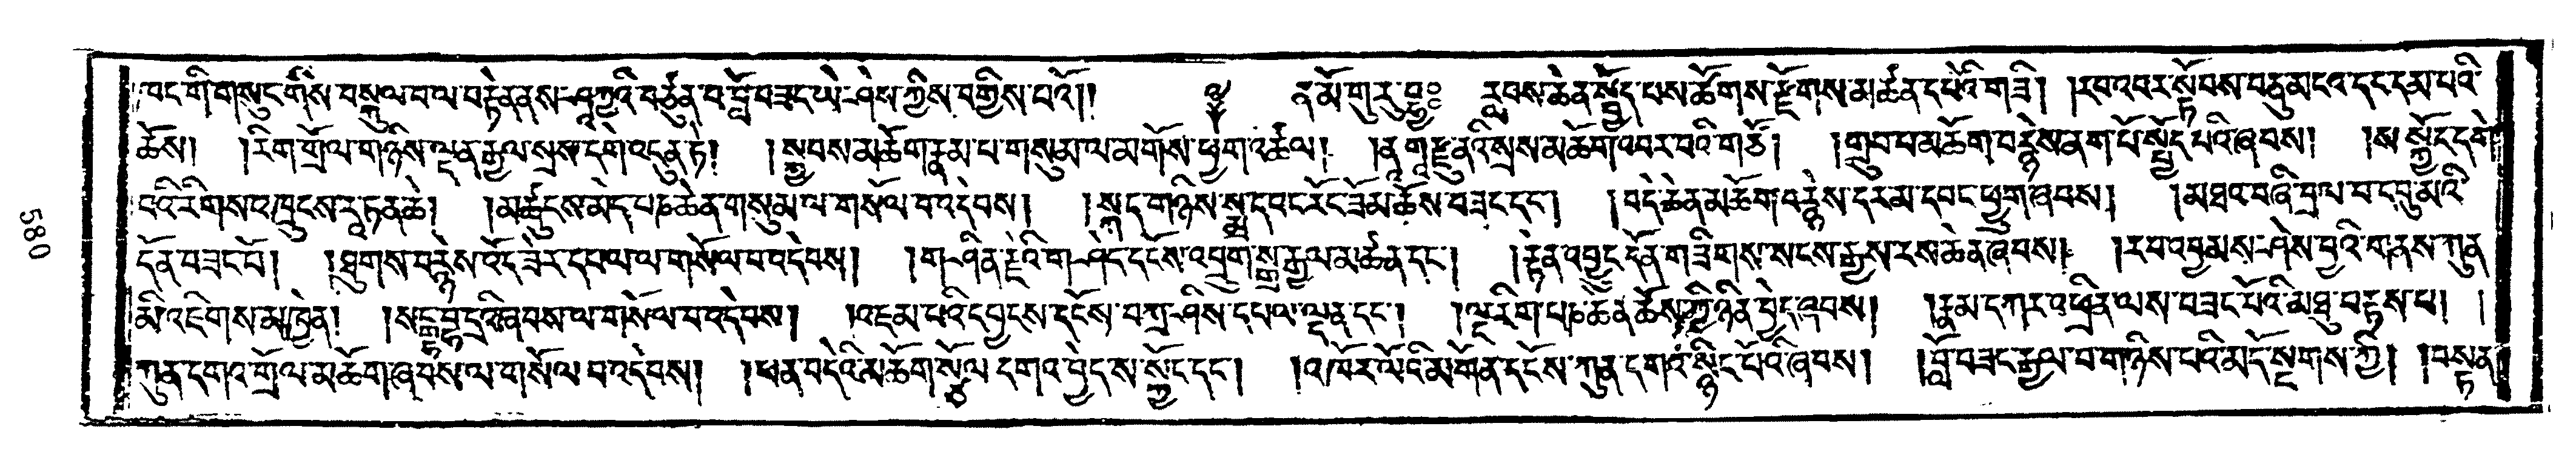ཁང་གི་གསུང་གིས་བསྐུལ་བ་ལ་བརྟེན་ནས་ཤཱཀྱའི་བཙུན་པ་བློ་བཟང་ཡེ་ཤེས་ཀྱིས་བགྱིས་པའོ། །༈ ན་མོ་རུ་རུ་བྷྱཿ རླབས་ཆེན་སྤྱོད་པས་ཚོགས་རྫོགས་མཚན་དཔེའི་གཟི། །རབ་འབར་སྟོབས་བཅུ་མངའ་དང་དམ་པའི་
ཆོས། །རིག་གྲོལ་གཉིས་ལྡན་རྒྱལ་སྲས་དགེ་འདུན་ཏེ། །སྐྱབས་མཆོག་རྣམ་པ་གསུམ་ལ་མགོས་ཕྱག་འཚལ། །ནཱ་གཱརྫུ་ནའི་སྲས་མཆོག་འབར་བའི་གཙོ། །གྲུབ་པ་མཆོག་བརྙེས་ནག་པོ་སྤྱོད་པའི་ཞབས། །ས་སྐྱོང་དགེ་
བའི་རིགས་འཁྲུངས་རཱ་ཏན་ཆེ། །མཚུངས་མེད་པཎ་ཆེན་གསུམ་ལ་གསོལ་བ་འདེབས། །སྐད་གཉིས་སྨྲ་དབང་རོང་ཟོམ་ཆོས་བཟང་དང་། །བདེ་ཆེན་མཆོག་བརྙེས་དར་མ་དབང་ཕྱུག་ཞབས། །མཐའ་བཞི་བྲལ་བ་དབུ་མའི་
དོན་བཟང་པོ། །ཐུགས་བརྙེས་འོད་ཟེར་དཔལ་ལ་གསོལ་བ་འདེབས། །གཤིན་རྗེའི་གཤེད་དངོས་འབྲུག་སྒྲ་རྒྱལ་མཚན་དང་། །རྟེན་འབྱུང་དོན་གཟིགས་སངས་རྒྱས་རས་ཆེན་ཞབས། །རབ་འབྱམས་ཤེས་བྱའི་གནས་ཀུན་
མི་འཇིགས་མཁྱེན། །སངྒྷ་བྷ་དྲའི་ཞབས་ལ་གསོལ་བ་འདེབས། །འཇམ་པའི་དབྱངས་དངོས་བཀྲ་ཤིས་དཔལ་ལྡན་དང་། །ལྔ་རིག་པཎ་ཆེན་ཆོས་ཀྱི་ཉིན་བྱེད་ཞབས། །རྣམ་དཀར་འཕྲིན་ལས་བཟང་པོའི་མཐུ་བརྟས་པ། །
ཀུན་དགའ་གྲོལ་མཆོག་ཞབས་ལ་གསོལ་བ་འདེབས། །ཕན་བདེའི་མཆོག་སྩོལ་དགའ་བྱེད་ས་སྐྱོང་དང་། །འཁོར་ལོའི་མགོན་དངོས་ཀུན་དགའ་སྙིང་པོའི་ཞབས། །བློ་བཟང་རྒྱལ་བ་གཉིས་པའི་མདོ་སྔགས་ཀྱི། །བསྟན་